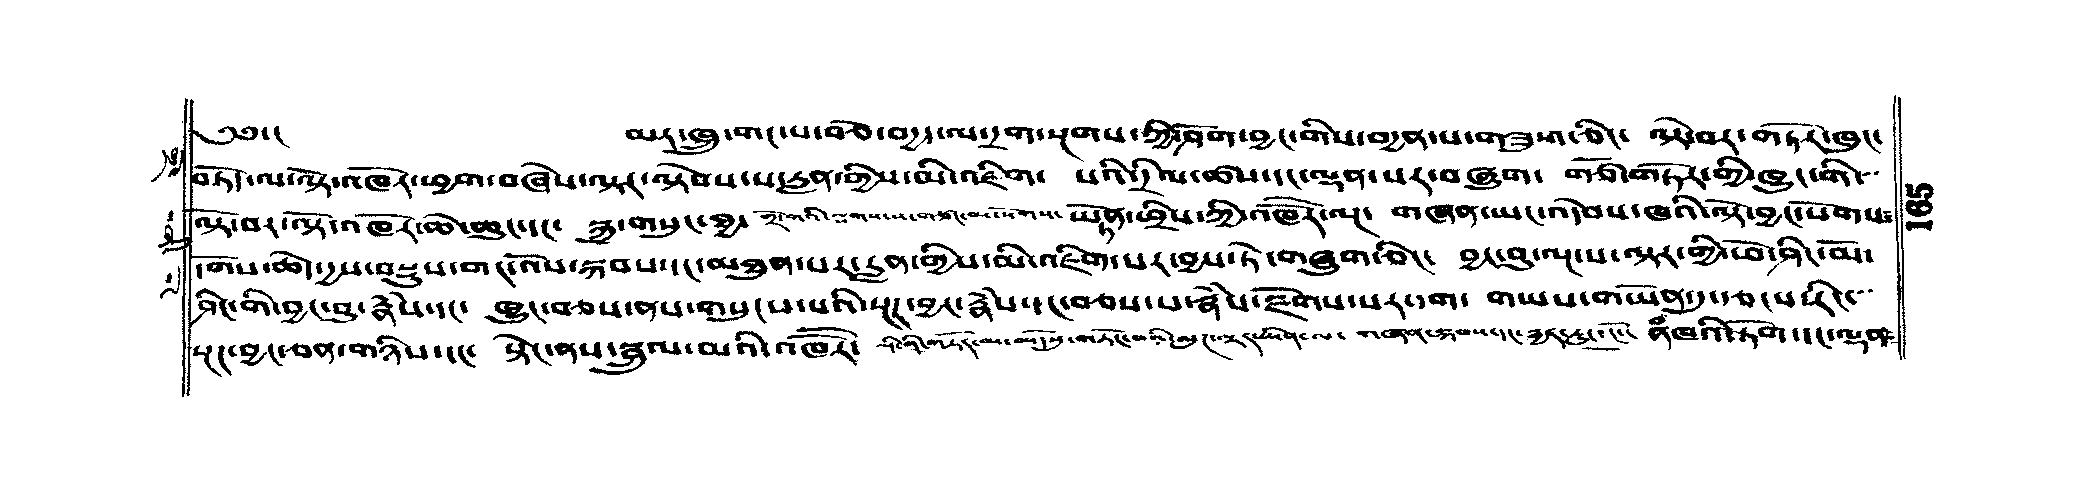མར་ཁྲུ་གང་པ་བཅོ་བརྒྱད་ལ་དྲག་སྔགས་དྲག་སྔགས་ཀྱི་ཤོག་བྱང་གི་བརྒྱན་པ་གཟུག་ཅིང་། ལྟེ་བར་གཏོར་ཁུང་
བཏོད་ལ་ལྟོ་འཁོར་ཕྱག་བཞེས་ལྟར་ལྟེབས་པ་གྲོ་གའི་ལྤགས་པ་གཙང་མ་སོགས་རླན་གྱིས་མི་འཇིག་པ། སའི་དྲིལ་ཚས་དང་ལྡན་པར་གཞུག་གཙོ་གཏོར་གྱི་ཁྱུང་གི་
ལྟོ་བར་ལྟོ་འཁོར་ཆེ་ཆུང་དང་། སྐུ་གསུང་ཐུགས་ཡོན་ཏན་ཕྲིན་ལས་ཀྱི་འཁོར་ལྔ་། གཞན་ཡང་འདེབས་ཁའི་ལྟོ་བྱང་སོགས་
དགོས་ཆེད་རྒྱས་བསྡུས་གང་འོས་སྐབས་དང་མཐུན་པར་རླན་གྱིས་མི་འཇིག་པར་བྱས་ཏེ་གཞུག་ཅིང་། བྱང་བུ་ལྔ་པ་ལྟར་གྱི་ཕོ་ཤིང་མོ་
ཤིང་གི་བྱང་བུ་རྣམས་དང་། ཁྱུང་བཅས་ནས་གསུངས་པའི་སྔགས་བྱང་རྣམས་དང་བཅས་པ་རྣམས་རྫོགས་པར་དག་གཡས་གཡོན་དུ་རྩངས་རིང་
སྔགས་བྱང་ཅན་གཉིས་དང་། སྟེང་ནས་སྦྲུལ་མའི་འཁོར་ལོ་འདི་ནི་གཏོར་མ་མདོས་སུ་གཏོང་བའི་ལུགས་ལྟར་ཡིན་ལ། གཞན་སྐབས་དང་སྦྱར་རུང་ངོ་། ནམ་མཁའི་ཏོག་དང་ལྡན་